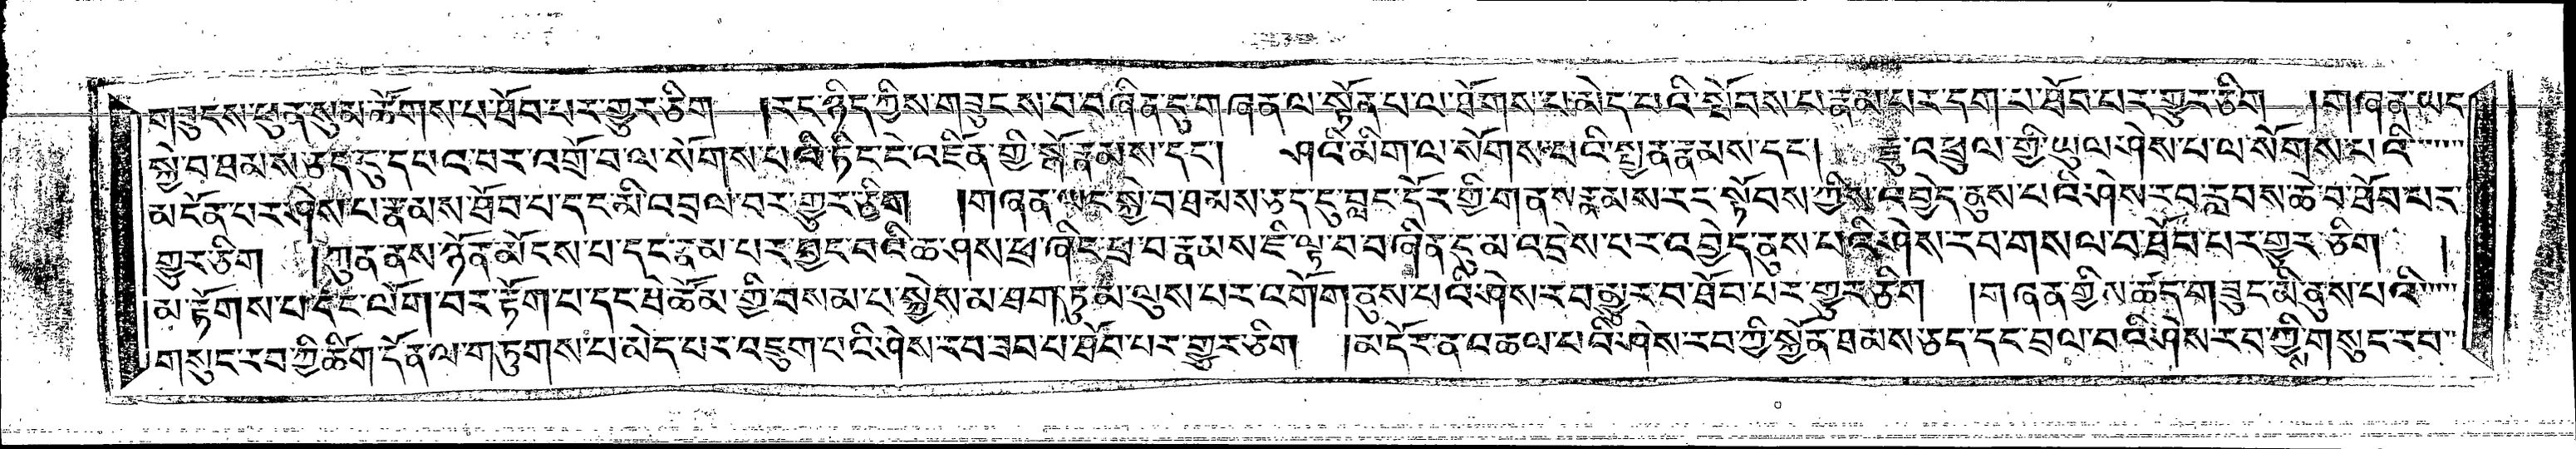གཟུངས་ཕུན་སུམ་ཚོགས་པ་ཐོབ་པར་གྱུར་ཅིག །རང་ཉིད་ཀྱིས་གཟུངས་བ་བཞིན་དུ་གཞན་ལ་སྟོན་པ་ལ་ཐོགས་པ་མེད་པའི་སྤོབས་པ་རྣམ་པར་དག་པ་ཐོབ་པར་གྱུར་ཅིག །གཞན་ཡང་
སྐྱེ་བ་ཐམས་ཅད་དུ་དཔའ་བར་འགྲོ་བ་ལ་སོགས་པའི་ཏིང་ངེ་འཛིན་གྱི་སྒོ་རྣམས་དང་། ཤའི་མིག་ལ་སོགས་པའི་སྤྱན་རྣམས་དང་། རྫུ་འཕྲུལ་གྱི་ཡུལ་ཤེས་པ་ལ་སོགས་པའི་
མངོན་པར་ཤེས་པ་རྣམས་ཐོབ་པ་དང་མི་འབྲལ་བར་གྱུར་ཅིག །གཞན་ཡང་སྐྱེ་བ་ཐམས་ཅད་དུ་བླང་དོར་གྱི་གནས་རྣམས་རང་སྟོབས་ཀྱིས་འབྱེད་ནུས་པའི་ཤེས་རབ་རླབས་ཆེ་བ་ཐོབ་པར་
གྱུར་ཅིག །ཀུན་ནས་ཉོན་མོངས་པ་དང་རྣམ་པར་བྱང་བའི་ཆ་ཤས་ཕྲ་ཞིང་ཕྲ་བ་རྣམས་ཇི་ལྟ་བ་བཞིན་དུ་མ་འདྲེས་པར་འབྱེད་ནུས་པའི་ཤེས་རབ་གསལ་བ་ཐོབ་པར་གྱུར་ཅིག །
མ་རྟོགས་པ་དང་ལོག་པར་རྟོག་པ་དང་ཐེ་ཚོམ་གྱི་བསམ་པ་སྐྱེས་མ་ཐག་ཏུ་མ་ལུས་པར་འགོག་ནུས་པའི་ཤེས་རབ་མྱུར་བ་ཐོབ་པར་གྱུར་ཅིག །གཞན་གྱིས་ཚད་གཟུང་མི་ནུས་པའི་
གསུང་རབ་ཀྱི་ཚིག་དོན་ལ་གཏུགས་པ་མེད་པར་འཇུག་པའི་ཤེས་རབ་ཟབ་པ་ཐོབ་པར་གྱུར་ཅིག །མདོར་ན་འཆལ་པའི་ཤེས་རབ་ཀྱི་སྐྱོན་ཐམས་ཅད་དང་བྲལ་བའི་ཤེས་རབ་ཀྱིས་གསུང་རབ་